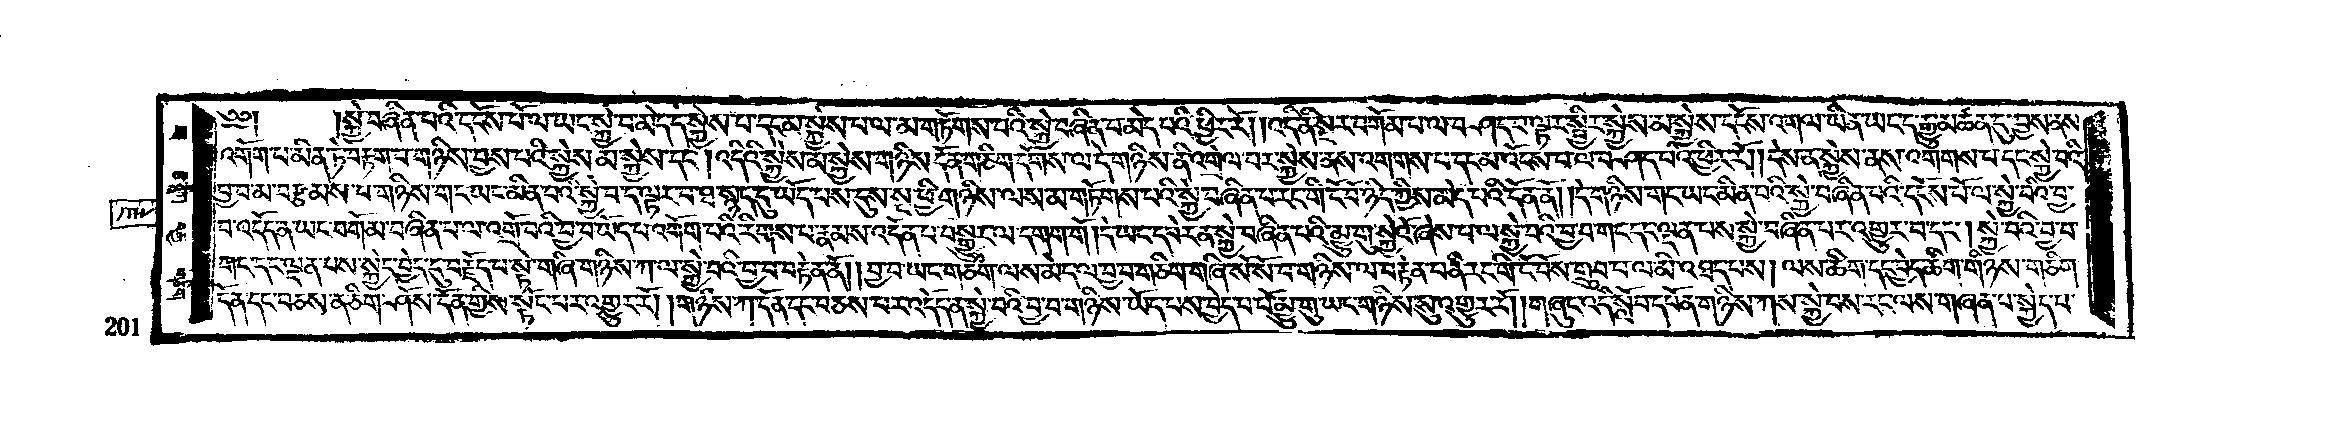༄༅། །སྐྱེ་བཞིན་པའི་དངོས་པོ་ལ་ཡང་སྐྱེ་བ་མེད་དེ་སྐྱེས་པ་དང་མ་སྐྱེས་པ་ལ་མ་གཏོགས་པའི་སྐྱེ་བཞིན་པ་མེད་པའི་ཕྱིར་རོ། །འདི་ནི་སྔར་བགོམ་པ་ལ་བཤད་པ་ལྟར་སྦྱིར་སྐྱེས་མ་སྐྱེས་དངོས་འགལ་ཡིན་ཡང་ད་རྒྱུ་མཚན་དུ་བྱས་ནས་
འགོག་པ་མིན་ཏེ་བརྟག་པ་གཉིས་བྱས་པའི་སྐྱེས་མ་སྐྱེས་དང་། འདིའི་སྐྱེས་མ་སྐྱེས་གཉིས་དོན་གཅིག་དགོས་ལ་དེ་གཉིས་ནི་འགྲེལ་པར་སྐྱེས་ནས་འགགས་པ་དང་མ་འོངས་པ་ལ་བཤད་པའི་ཕྱིར་རོ། །དེས་ན་སྐྱེས་ནས་འགགས་པ་དང་སྐྱེ་བའི་
བྱ་བ་མ་བརྩམས་པ་གཉིས་གང་ཡང་མིན་པའི་སྐྱེ་བ་ད་ལྟར་བ་ཐ་སྙད་དུ་ཡོད་པས་དུས་སྔ་ཕྱི་གཉིས་ལས་མ་གཏོགས་པའི་སྐྱེ་བཞིན་པ་རང་གི་ངོ་བོ་ཉིད་ཀྱིས་མེད་པའི་དོན་ནོ། །དེ་གཉིས་གང་ཡང་མིན་པའི་སྐྱེ་བཞིན་པའི་དངོས་པོ་ལ་སྐྱེ་བའི་བྱ་
བ་འདོད་ན་ཡང་བགོམ་བཞིན་པ་ལ་འགྲོ་བའི་བྱ་བ་ཡོད་པ་འགོག་པའི་རིགས་པ་རྣམས་འདོན་པ་བསྒྱུར་ལ་དགག་གོ །དེ་ཡང་དཔེར་ན་སྐྱེ་བཞིན་པའི་མྱུ་གུ་སྐྱེའོ་ཞེས་པ་ལ་སྐྱེ་བའི་བྱ་བ་གང་དང་ལྡན་པས་སྐྱེ་བཞིན་པར་འགྱུར་བ་དང་། སྐྱེ་བའི་བྱ་བ་
གང་དང་ལྡན་པས་སྐྱེད་བྱེད་དུ་བརྗོད་པ་སྟེ་གཞི་གཉིས་ཀ་ལ་སྐྱེ་བའི་བྱ་བ་བརྟེན་ནོ། །བྱ་བ་ཡང་གཅིག་ལས་མེད་ལ་བྱ་བ་གཅིག་གཞི་སེ་སོ་བ་གཉིས་ལ་བརྟེན་པ་ནི་རང་གི་ངོ་བོས་གྲུབ་པ་ལ་མི་འཐད་པས། ལས་ཚིག་དང་བྱེད་ཚིག་གཉིས་གཅིག་
དོན་དང་བཅས་ན་ཅིག་ཤོས་དོན་གྱིས་སྟོང་པར་འགྱུར་རོ། །གཉིས་ཀ་དོན་དང་བཅས་པར་འདོད་ན་སྐྱེ་བའི་བྱ་བ་གཉིས་ཡོད་པས་བྱེད་པ་པོ་མྱུ་གུ་ཡང་གཉིས་སུ་འགྱུར་རོ། །གཞུང་འདི་སློབ་དཔོན་གཉིས་ཀས་སྐྱེ་བས་རང་ལས་གཞན་པ་སྐྱེད་པ་